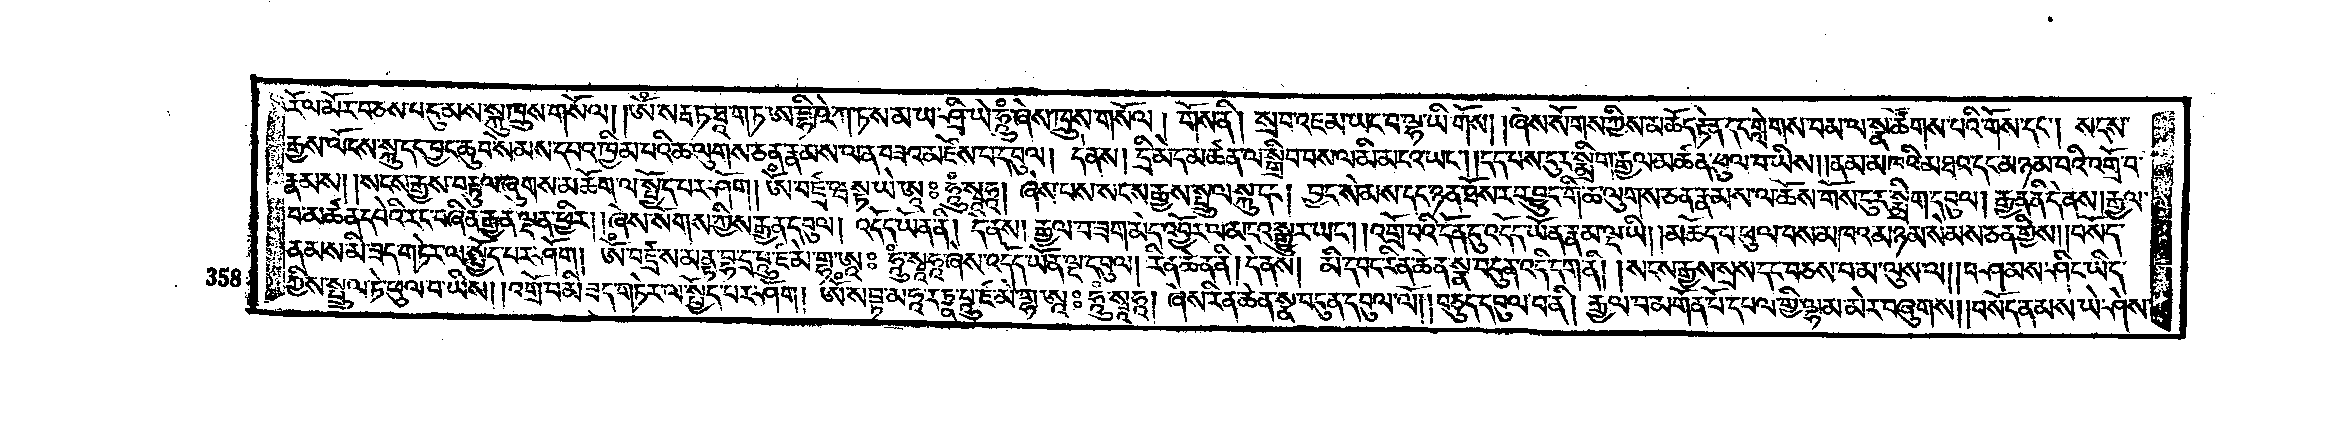རོལ་མོར་བཅས་པ་དུ་མས་སྐུ་ཁྲུས་གསོལ། །ཨོཾ་སརྦ་ཏ་ཐཱ་ག་ཏ་ཨ་བྷི་ཥེ་ཀ་ཏ་ས་མ་ཡ་ཤྲི་ཡེ་ཧཱུཾ་ཞེས་ཁྲུས་གསོལ། གོས་ནི། སྲབ་འཇམ་ཡང་བ་ལྷ་ཡི་གོས། །ཞེས་སོགས་ཀྱིས་མཆོད་རྟེན་དང་གླེགས་བམ་ལ་སྣ་ཚོགས་པའི་གོས་དང་། སངས་
རྒྱས་ལོངས་སྐུ་དང་བྱང་ཆུབ་སེམས་དཔའ་ཁྱིམ་པའི་ཆ་ལུགས་ཅན་རྣམས་ལ་ན་བཟའ་མཛེས་པ་དབུལ། དེ་ནས། དྲི་མེད་མཚན་ལ་སྒྲིབ་བསལ་མི་མངའ་ཡང་། །དད་པས་ངུར་སྨྲིག་རྒྱལ་མཚན་ཕུལ་བ་ཡིས། །ནམ་མཁའི་མཐའ་དང་མཉམ་པའི་འགྲོ་བ་
རྣམས། །སངས་རྒྱས་བརྟུལ་ཞུགས་མཆོག་ལ་སྤྱོད་པར་ཤོག །ཨོཾ་བཛྲ་ཝ་སྟ་ཡེ་ཨཱཿ ཧཱུཾ་སྭཱ་ཧཱ། ཞེས་པས་སངས་རྒྱས་སྤྲུལ་སྐུ་དང་། བྱང་སེམས་དང་ཉན་ཐོས་རབ་བྱུང་གི་ཆ་ལུགས་ཅན་རྣམས་ལ་ཆོས་གོས་ངུར་སྨྲིག་དབུལ། རྒྱན་ནི་དེ་ནས། རྒྱལ་
བ་མཚན་དཔེའི་རང་བཞིན་རྒྱན་ལྡན་ཕྱིར། །ཞེས་སོགས་ཀྱིས་རྒྱན་དབུལ། འདོད་ཡོན་ནི། དེ་ནས། རྒྱལ་བ་ཟག་མེད་འབྱོར་ལ་མངའ་སྒྱུར་ཡང་། །འགྲོ་བའི་དོན་དུ་འདོད་ཡོན་རྣམ་ལྔ་ཡི། །མཆོད་པ་ཕུལ་བས་མཁའ་མཉམ་སེམས་ཅན་གྱིས། །བསོད་
ནམས་མི་ཟད་གཏེར་ལ་སྤྱོད་པར་ཤོག །ཨོཾ་བཛྲ་ས་མནྟ་བྷ་དྲ་པཱུ་ཛ་མེ་གྷ་ཨཱཿ ཧཱུཾ་སྭཱ་ཧཱ་ཞེས་འདོད་ཡོན་ལྔ་དབུལ། རིན་ཆེན་ནི། དེ་ནས། མི་དབང་རིན་ཆེན་སྣ་བདུན་འདི་དག་ནི། །སངས་རྒྱས་སྲས་དང་བཅས་པ་མ་ལུས་ལ། །བཤམས་ཤིང་ཡིད་
ཀྱིས་སྤྲུལ་ཏེ་ཕུལ་བ་ཡིས། །འགྲོ་བ་མི་ཟད་གཏེར་ལ་སྤྱོད་པར་ཤོག །ཨོཾ་སབཏ་མཧཱ་རཏྣ་པཱུ་ཛ་མེ་གྷ་ཨཱཿ ཧཱུཾ་སྭཱ་ཧཱ། ཞེས་རིན་ཆེན་སྣ་བདུན་དབུལ་ལོ། །བཅུད་དབུལ་བ་ནི། རྒྱལ་བ་མགོན་པོ་དཔལ་གྱི་ལྷམ་མེར་བཞུགས། །བསོད་ནམས་ཡེ་ཤེས་